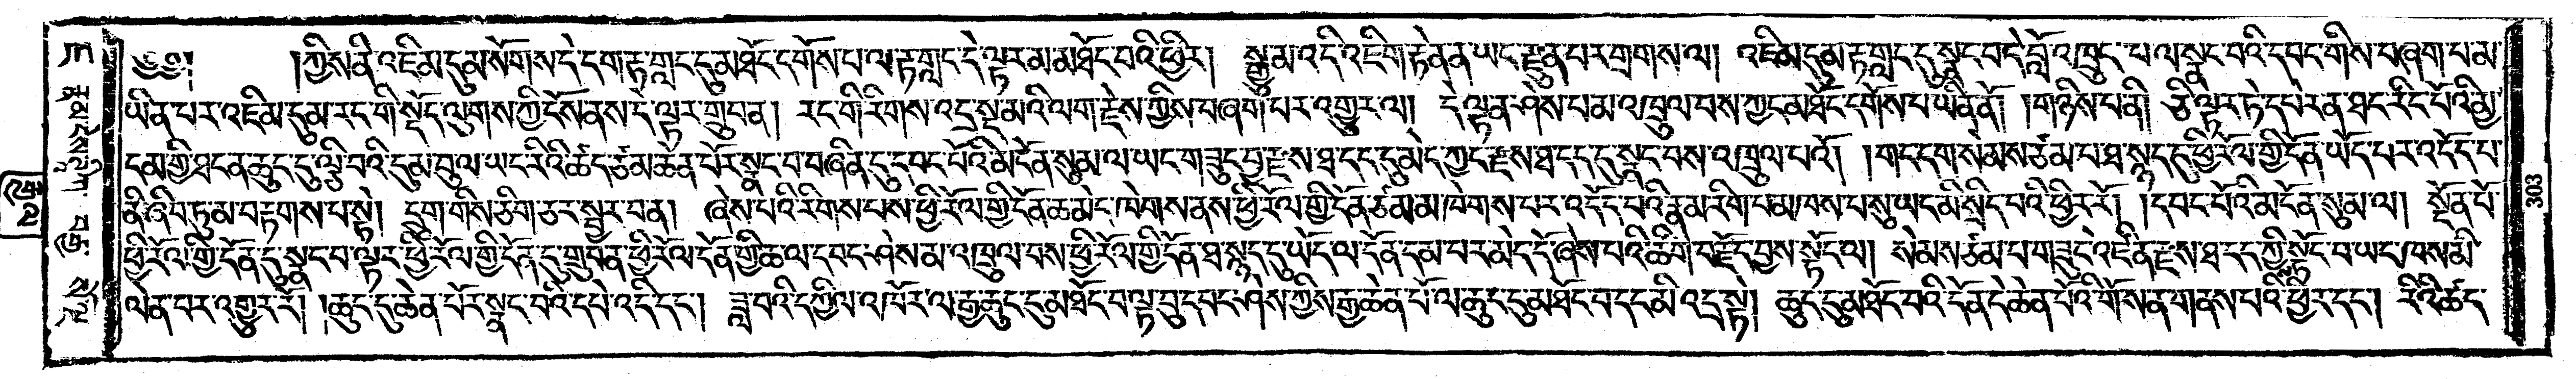༄༅། །ཀྱིས་ནི་འཇིམ་དུམ་སོགས་དེ་དག་རྟ་གླང་དུ་མཐོང་དགོས་པ་ལ་རྟ་གླང་དེ་ལྟར་མ་མཐོང་བའི་ཕྱིར། སྒྱུ་མ་འདི་འཇིག་རྟེན་ན་ཡང་རྫུན་པར་གྲགས་ལ། འཇིམ་དུམ་རྟ་གླང་དུ་སྣང་བ་བདེ་བློ་འཁྲུང་པ་ལ་སྣང་བའི་དབང་གིས་བཞག་པ་མ་
ཡིན་པར་འཇིམ་དུ་མ་རང་གི་སྡོད་ལུགས་ཀྱི་ངོས་ནས་དེ་ལྟར་གྲུབ་ན། རང་གི་རིགས་འདྲ་སྔ་མའི་ལག་རྗེས་ཀྱིས་བཞག་པར་འགྱུར་ལ། དེ་ལྟ་ན་ཤེས་པ་མ་འཁྲུལ་བས་ཀྱང་མཐོང་དགོས་པ་ཡིན་ནོ། །གཉིས་པ་ནི། ཅི་ལྟར་ཏེ་དཔེར་ན་ཐང་རིང་པོའི་མྱ་
ངམ་གྱི་ཐང་ན་ཆུང་དུ་ལྕི་བའི་དུམ་བུ་ལ་ཡང་རིའི་ཚད་ཙམ་ཆེན་པོར་སྣང་བ་བཞིན་དུ་དབང་པོའི་མངོན་སུམ་ལ་ཡང་གཟུང་བྱ་རྫས་ཐ་དད་དུ་མེད་ཀྱང་རྫས་ཐ་དད་དུ་སྣང་བས་འཁྲུལ་པའོ། །གང་དག་སེམས་ཙམ་པ་ཐ་སྙད་དུ་ཕྱི་རོལ་གྱི་དོན་ཡོད་པར་འདོད་པ་
ནི་ཞིབ་ཏུ་མ་བརྟགས་པ་སྟེ། དྲུག་གིས་ཅིག་ཅར་སྦྱར་བ་ན། ཞེས་པའི་རིགས་པས་ཕྱི་རོལ་གྱི་དོན་ཆ་མེད་ཁེགས་ནས་ཕྱི་རོལ་གྱི་དོན་ཙམ་མ་ཁེགས་པར་འདོད་པའི་རྣམ་རིག་པ་མཁས་པ་སུ་ཡང་མི་སྲིད་པའི་ཕྱིར་རོ། །དབང་པོའི་མངོན་སུམ་ལ། སྔོན་པོ་
ཕྱི་རོལ་གྱི་དོན་དུ་སྣང་བ་ལྟར་ཕྱི་རོལ་གྱི་དོན་དུ་གྲུབ་ན་ཕྱི་རོལ་དོན་གྱི་ཆ་ལ་དབང་ཤེས་མ་འཁྲུལ་བས་ཕྱི་རོལ་གྱི་དོན་ཐ་སྙད་དུ་ཡོད་ལ་དོན་དམ་པར་མེད་དོ་ཞེས་པའི་ཚིག་བརྗོད་བྱས་སྟོང་ལ། སེམས་ཙམ་པ་གཟུང་འཛིན་རྫས་ཐ་དད་ཀྱི་སྟོང་པ་ཡང་ཁས་མི་
ལེན་པར་འགྱུར་རོ། །ཆུང་དུ་ཆེན་པོར་སྣང་བའི་དཔེ་འདི་དང་། ཟླ་བའི་དཀྱིལ་འཁོར་ལ་རྒྱ་ཆུང་དུ་མཐོང་བ་ལྟ་བུ་དབང་ཤེས་ཀྱིས་རྒྱ་ཆེན་པོ་ལ་ཆུང་ངུ་མཐོང་བ་དང་མི་འདྲ་སྟེ། ཆུང་ངུ་མཐོང་བའི་དོན་དེ་ཆེན་པོའི་གོ་ས་ན་གནས་པའི་ཕྱིར་དང་། རིའི་ཚད་